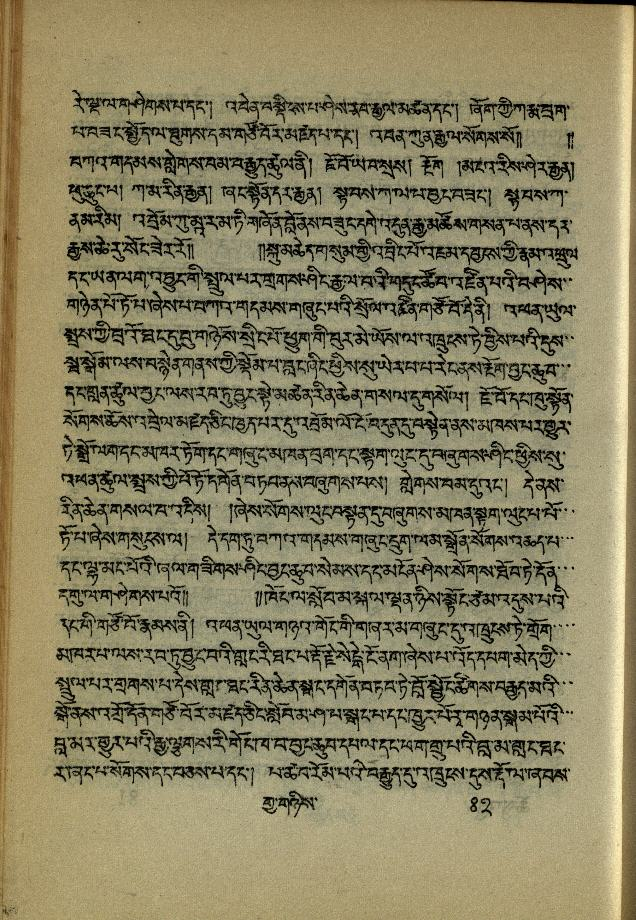རེ་ལྔ་ལ་གཤེགས་པ་དང་། འབེན་བསྡིངས་པ་ཤེས་རབ་རྒྱལ་མཚན་དང་། ཞོག་ཀྱི་ཀརྨ་བྲག་
པ་བཟང་སྤྱོད་ལ་ཐུགས་དམ་གཙོ་བོར་མཛད་པ་དང་། འབན་ཀུན་རྒྱལ་སོགས་སོ།། །།
བཀའ་གདམས་གླེགས་བམ་བརྒྱུད་ཚུལ་ནི། ཇོ་བོ་ཡབ་སྲས། རྔོག །མངའ་རིས་ཤེར་རྒྱན།
ཕུ་ཆུང་པ། ཀ་མ་རིན་རྒྱན། ཞང་སྟོན་དར་རྒྱན། སྟབས་ཀ་ལ་པ་བྱང་བཟང་། སྟབས་ཀ་
ནམ་རིམ། འབྲོམ་ཀུ་མཱ་ར་མ་ཏི་གཞོན་བློ་ནས་བཟུང་དགེ་འདུན་རྒྱ་མཚོས་གསན་པ་ནས་དར་
རྒྱས་ཆེ་རུ་སོང་ཟེར་རོ།། །།སྐུ་མཆེད་གསུམ་གྱི་འབྲིང་པོ་འཇམ་དབྱངས་ཀྱི་རྣམ་འཕྲུལ་
དང་ཡན་ལག་འབྱུང་གི་སྤྲུལ་པར་གྲགས་ཤིང་རྒྱལ་བའི་གདུང་ཚོབ་འཛིན་པའི་བཤེས་
གཉེན་པོ་ཏོ་པ་ཞེས་པ་བཀའ་གདམས་གཞུང་པའི་སྲོལ་འཛིན་གཙོ་བོ་དེ་ནི། འཕན་ཡུལ་
སྤྲས་ཀྱི་བྲའོ་ཐང་དུ་བུ་གཉོས་སྲིང་པོ་ཕྱུག་གི་བུར་མེ་ཡོས་ལ་འཁྲུངས་ཏེ་བྱིས་པའི་དུས་
སྦ་སྒོམ་ལས་བསྙེན་གནས་ཀྱི་སྡོམ་པ་བླང་ཞིང་ཕྱིས་སུ་ཡེར་པ་པ་རེང་ནས་རྔོག་བྱང་ཆུབ་
དང་གླན་ཚུལ་བྱང་ལས་རབ་ཏུ་བྱུང་སྟེ་མཚན་རིན་ཆེན་གསལ་དུ་གསོལ། ཇོ་བོ་དང་ཁུ་སྟོན་
སོགས་ཆོས་འབྲེལ་མཛད་ཅིང་ཁྱད་པར་དུ་འབྲོམ་ལོ་ངོ་བདུན་དུ་བསྟེན་ནས་མཁས་པར་གྱུར་
ཏེ་སྒྲོ་ལག་དང་མཁར་ཏོག་དང་གཞུང་མཁན་བྲག་དང་སྟག་ལུང་དུ་བཞུགས་ཤིང་ཕྱིས་སུ་
འཕན་ཚུལ་སྤྲས་ཀྱི་པོ་ཏོ་དགོན་བཏབ་ནས་བཞུགས་པས། གླེགས་བམ་དུའང་། དེ་ནས་
རིན་ཆེན་གསལ་བ་འདིས། །ཞེས་སོགས་ལུང་བསྟན་དུ་བཞུགས་མཁན་སྟག་ལུང་པ་པོ་
ཏོ་པ་ཞེས་གསུངས་ལ། དེ་དག་ཏུ་བཀའ་གདམས་གཞུང་དྲུག་ལམ་སྒྲོན་སོགས་འཆད་པ་
དང་ལྷ་མང་པོའི་ཞལ་གཟིགས་ཤིང་བྱང་ཆུབ་སེམས་དང་མངོན་ཤེས་སོགས་ཐོབ་ཏེ་དོན་
དགུ་ལ་གཤེགས་པའོ།། །།ཁོང་ལ་སློབ་མ་སྐལ་ལྡན་ཉིས་སྟོང་ཙམ་འདུས་པའི་
དང་གི་གཙོ་བོ་རྣམས་ནི། འཕན་ཡུལ་གཉའ་གོང་གི་གཞར་མ་གཞུང་དུ་འཁྲུངས་ཏེ་གྲོག་
མཁར་པ་ལས་རབ་ཏུ་བྱུང་བའི་གླང་རི་ཐང་པ་རྡོ་རྗེ་སེངྒེ་ངོ་ནག་ཞེས་པ་འོད་དཔག་མེད་ཀྱི་
སྤྲུལ་པར་གྲགས་པ་དེས་གླང་ཐང་རིན་ཆེན་སྒང་དགོན་བཏབ་ཏེ་བློ་སྦྱོང་ཚིགས་བརྒྱད་མའི་
སྒོ་ནས་འགྲོ་དོན་གཙོ་བོར་མཛད་ཅིང་སློབ་མ་ཤ་པ་སྒང་པ་དང་ཁྱུར་པོ་རྭ་གཉན་སྒམ་པོའི་
བླ་མར་གྱུར་པའི་རྒྱ་ལྕགས་རི་གོང་ཁ་བ་བྱང་ཆུབ་དཔལ་དང་ཕག་གྲུ་པའི་བླ་མ་གླང་ཐང་
ར་ཞང་པ་སོགས་དང་བཅས་པ་དང་། པ་ཚ་བ་རོམ་པའི་བརྒྱུད་དུ་འཁྲུངས་དུས་རྡོ་ལ་ཞབས་